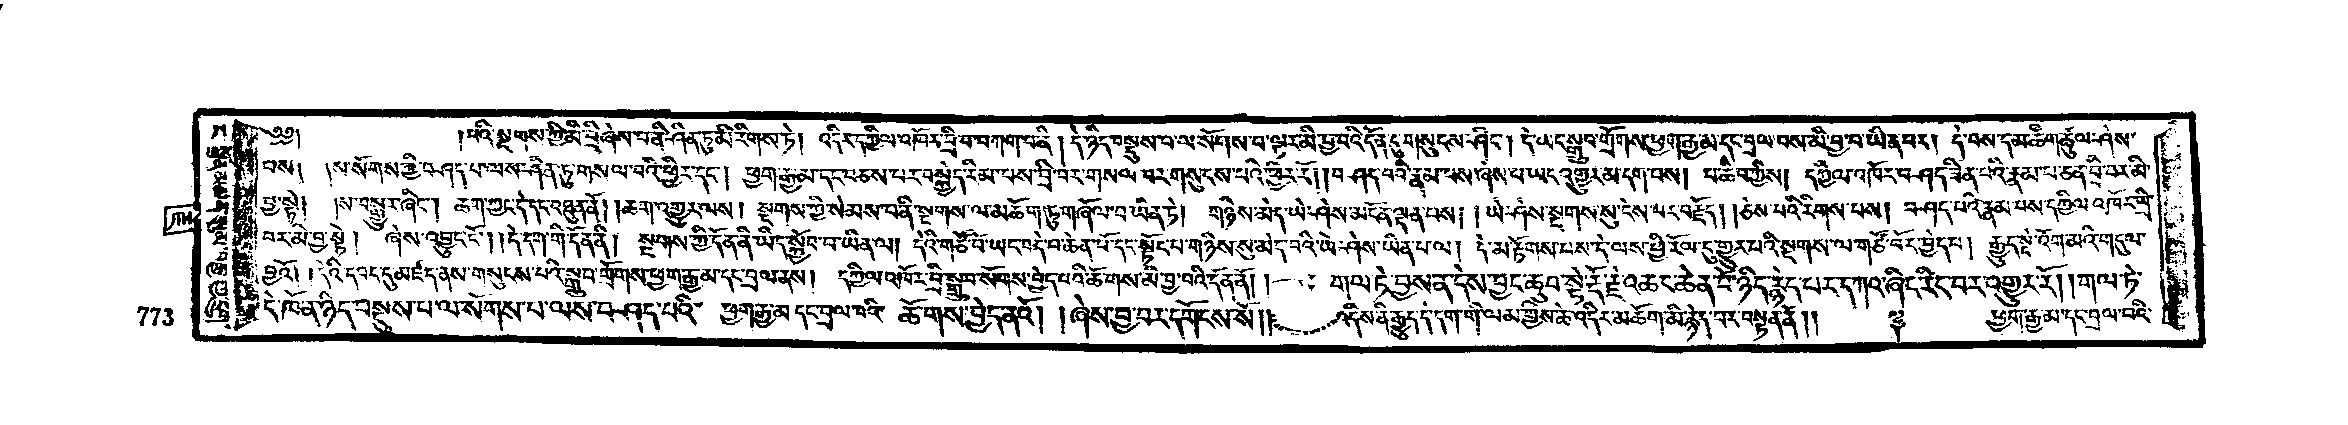༄༅། །པའི་སྔགས་ཀྱི་མི་བྲི་ཞེས་པ་ནི་ཤིན་ཏུ་མི་རིགས་ཏེ། འདིར་དཀྱིལ་འཁོར་བྲི་བ་བཀག་པ་ནི། དེ་ཉིད་བསྡུས་པ་ལ་སོགས་པ་ལྟར་མི་བྱ་བའི་དོན་དུ་གསུངས་ཤིང་། དེ་ཡང་སྒྲུབ་གྲོགས་ཕྱག་རྒྱ་མ་དང་བྲལ་བས་མི་བྱ་བ་ཡིན་པར། དེ་བས་དམ་ཚིག་ཚུལ་ཤེས་
པས། ཞེས་སོགས་ཀྱི་བཤད་པ་ལས་ཤིན་ཏུ་གསལ་བའི་ཕྱིར་དང་། ཕྱག་རྒྱ་མ་དང་བཅས་པར་བསྐྱེད་རིམ་པས་བྲི་བར་གསལ་བར་གསུངས་པའི་ཕྱིར་རོ། །བཤད་པའི་རྣམ་པས་ཞེས་པ་ཡང་འགྱུར་མ་དག་པས། པ་ཚབ་ཀྱིས། དཀྱིལ་འཁོར་བཤད་ཟིན་པའི་རྣམ་པ་ཅན་བྲི་བར་མི་
བྱ་སྟེ། ཞེས་བསྒྱུར་ཞིང་། ཆག་ཀྱང་དེ་དང་འཐུན་ནོ། །ཆག་འགྱུར་ལས། སྔགས་ཀྱི་སེམས་པ་ནི་སྔགས་ལ་མཆོག་ཏུ་གཞོལ་བ་ཡིན་ཏེ། གཉིས་མེད་ཡེ་ཤེས་མངོན་ལྡན་པས། །ཡེ་ཤེས་སྔགས་སུ་ངེས་པར་བརྗོད། །ཅེས་པའི་རིགས་པས། བཤད་པའི་རྣམ་པས་དཀྱིལ་འཁོར་བྲི་
བར་མི་བྱ་སྟེ། ཞེས་འབྱུང་ངོ། །དེ་དག་གི་དོན་ནི། སྔགས་ཀྱི་དོན་ནི་ཡིད་སྐྱོབ་པ་ཡིན་ལ། དེའི་གཙོ་བོ་ཡང་བདེ་བ་ཆེན་པོ་དང་སྟོང་པ་གཉིས་སུ་མེད་པའི་ཡེ་ཤེས་ཡིན་པ་ལ། དེ་མ་རྟོགས་པས་དེ་ལས་ཕྱི་རོལ་དུ་གྱུར་པའི་སྔགས་ལ་གཙོ་བོར་བྱེད་པ། རྒྱུད་སྡེ་འོག་མའི་གདུལ་
བྱའོ། །དེའི་དབང་དུ་མཛད་ནས་གསུངས་པའི་སྒྲུབ་གྲོགས་ཕྱག་རྒྱ་མ་དང་བྲལ་ནས། དཀྱིལ་འཁོར་བྲི་སྒྲུབ་སོགས་བྱེད་པའི་ཆོ་གས་མི་བྱ་བའི་དོན་ནོ།། .H གལ་ཏེ་བྱས་ན་དེས་བྱང་ཆུབ་སྟེ་རྡོ་རྗེ་འཆང་ཆེན་པོ་ཉིད་རྙེད་པར་དཀའ་ཞིང་རིང་བར་འགྱུར་རོ། །གལ་ཏེ་
དེ་ཁོ་ན་ཉིད་བསྡུས་པ་ལ་སོགས་པ་ལས་བཤད་པའི་ཕྱག་རྒྱ་མ་དང་བྲལ་བའི་ཆོ་གས་བྱེད་ནའོ། །ཞེས་བྱ་བར་དགོངས་སོ། །འདིས་ནི་རྒྱུད་དེ་དག་གི་ལམ་གྱིས་ཆེ་འདིར་མཆོག་མི་རྙེད་པར་བསྟན་ནོ།། ༈ ཕྱག་རྒྱ་མ་དང་བྲལ་བའི་